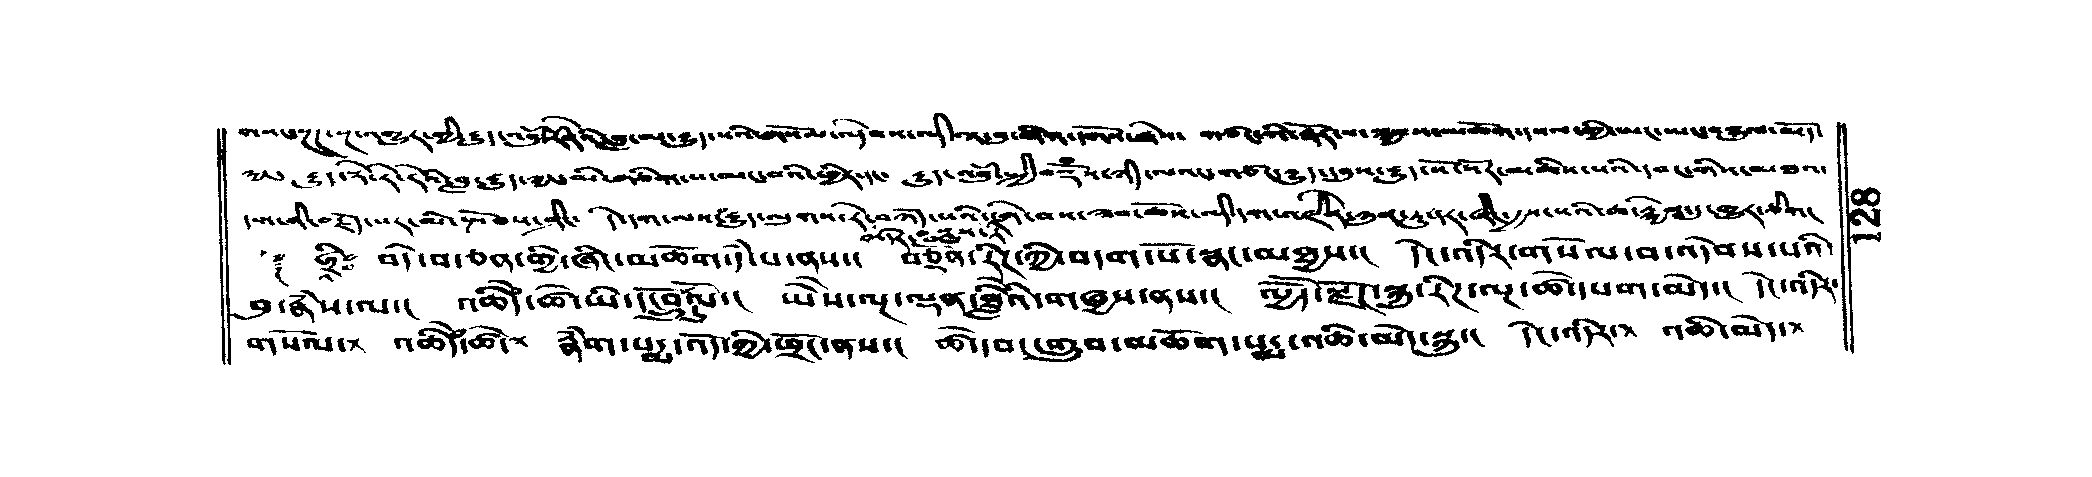གསང་སྔགས་སྔ་འགྱུར་གྱི་རྒྱུད་འབུམ་རིན་པོ་ཆེའི་བླ་མ་རྒྱུད་པའི་གསོལ་འདེབས་འདི་ལྟ་བུ་ཞིག་དགོས་ཞེས། གཙང་གི་རྣལ་འབྱོར་པ་སྐྱབས་མཆོག་དཔལ་གྱིས་ཡང་ཡང་བསྐུལ་མོད་
ཀྱང་། རྒྱུད་སྡེ་རེ་རེའི་བླ་རྒྱུད་ཀྱང་མི་གཅིག་པ་མང་བའི་ཕྱིར་དང་། རྒྱུད་འབུམ་སྤྱི་བསྡོམས་ཉིད་ལའང་གཙང་རྒྱུད་དབུས་རྒྱུད་སོ་སོར་མཆིས་པའི་དབང་གིས་མཐའ་
དག་ནི་བརྗོད་པར་མི་སྤོབས་ཤིང་། དེ་དག་ལ་བརྒྱུད་ལུགས་རེ་མདོར་བསྡུས་ཏེ་བཀོད་པའི་དགེ་བས་ཟབ་ཆོས་འདི་དག་འཇིག་རྟེན་ཀུན་ཏུ་དར་ཞིང་རྒྱས་པའི་ཆ་རྐྱེན་དུ་གྱུར་ཅིག།། 
༈ ཧྲཱིཿ བདེ་བ་ཅན་གྱི་ཞིང་མཆོག་དམ་པ་ནས། །བཅོམ་ལྡན་རིགགས་ཀྱི་བདག་པོ་སྣང་མཐའ་ཡས། །དེང་འདིར་གསོལ་བ་འདེབས་པའི་
བུ་རྣམས་ལ། །འཆི་མེད་ཚེ་ཡི་དངོས་གྲུབ་ཏུ་བསྩལ་ཏུ་གསོལ། །ཡེ་ཤེས་ལྔ་ལྡན་ཐུགས་རྗེའི་གཞལ་ཡས་ནས། །ལོངས་སྤྱོད་རྫོགས་སྐུ་རིགས་ལྔ་ཚེ་དཔག་མེད། །དེང་འདིར་
གསོལ༴།འཆི་མེད་ཚེ༴ །རྣམ་དག་པདྨ་འོད་ཀྱི་ཕོ་བྲང་ནས། །ཚེ་དབང་གྲུབ་མཆོག་པདྨ་འཆི་མེད་སྐུ། །དེང་འདིར༴ །འཆི་མེད༴